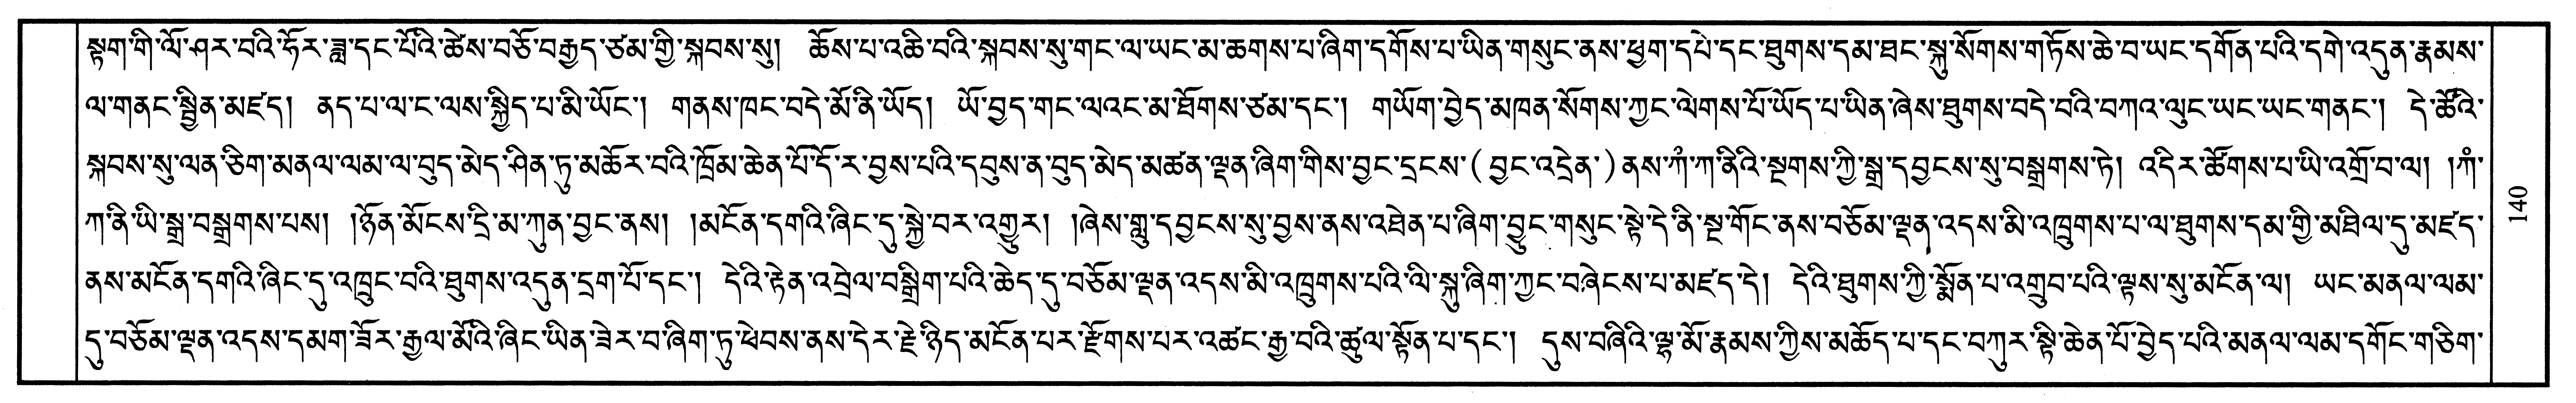སྟག་གི་ལོ་ཤར་བའི་ཧོར་ཟླ་དང་པོའི་ཚེས་བཅོ་བརྒྱད་ཙམ་གྱི་སྐབས་སུ། ཆོས་པ་འཆི་བའི་སྐབས་སུ་གང་ལ་ཡང་མ་ཆགས་པ་ཞིག་དགོས་པ་ཡིན་གསུང་ནས་ཕྱག་དཔེ་དང་ཐུགས་དམ་ཐང་སྐུ་སོགས་གཏོས་ཆེ་བ་ཡང་དགོན་པའི་དགེ་འདུན་རྣམས་
ལ་གནང་སྦྱིན་མཛད། ནད་པ་ལ་ང་ལས་སྐྱིད་པ་མི་ཡོང་། གནས་ཁང་བདེ་མོ་ནི་ཡོད། ཡོ་བྱད་གང་ལའང་མ་ཐོགས་ཙམ་དང་། གཡོག་བྱེད་མཁན་སོགས་ཀྱང་ལེགས་པོ་ཡོད་པ་ཡིན་ཞེས་ཐུགས་བདེ་བའི་བཀའ་ལུང་ཡང་ཡང་གནང་། དེ་ཚོའི་
སྐབས་སུ་ལན་ཅིག་མནལ་ལམ་ལ་བུད་མེད་ཤིན་ཏུ་མཆོར་བའི་ཁྲོམ་ཆེན་པོ་དོ་ར་བྱས་པའི་དབུས་ན་བུད་མེད་མཚན་ལྡན་ཞིག་གིས་བྱང་དྲངས་བྱང་འདྲེན་ནས་ཀཾ་ཀ་ནིའི་སྔགས་ཀྱི་སྒྲ་དབྱངས་སུ་བསྒྲགས་ཏེ། འདིར་ཚོགས་པ་ཡི་འགྲོ་བ་ལ། །ཀཾ་
ཀ་ནི་ཡི་སྒྲ་བསྒྲགས་པས། །ཉོན་མོངས་དྲི་མ་ཀུན་བྱང་ནས། །མངོན་དགའི་ཞིང་དུ་སྐྱེ་བར་འགྱུར། །ཞེས་གླུ་དབྱངས་སུ་བྱས་ནས་འཐེན་པ་ཞིག་བྱུང་གསུང་སྟེ་དེ་ནི་སྔ་གོང་ནས་བཅོམ་ལྡན་འདས་མི་འཁྲུགས་པ་ལ་ཐུགས་དམ་གྱི་མཐིལ་དུ་མཛད་
ནས་མངོན་དགའི་ཞིང་དུ་འཁྲུང་བའི་ཐུགས་འདུན་དྲག་པོ་དང་། དེའི་རྟེན་འབྲེལ་བསྒྲིག་པའི་ཆེད་དུ་བཅོམ་ལྡན་འདས་མི་འཁྲུགས་པའི་ལི་སྐུ་ཞིག་ཀྱང་བཞེངས་པ་མཛད་དེ། དེའི་ཐུགས་ཀྱི་སྨོན་པ་འགྲུབ་པའི་ལྟས་སུ་མངོན་ལ། ཡང་མནལ་ལམ་
དུ་བཅོམ་ལྡན་འདས་དམག་ཟོར་རྒྱལ་མོའི་ཞིང་ཡིན་ཟེར་བ་ཞིག་ཏུ་ཕེབས་ནས་དེར་རྗེ་ཉིད་མངོན་པར་རྫོགས་པར་འཚང་རྒྱ་བའི་ཚུལ་སྟོན་པ་དང་། དུས་བཞིའི་ལྷ་མོ་རྣམས་ཀྱིས་མཆོད་པ་དང་བཀུར་སྟི་ཆེན་པོ་བྱེད་པའི་མནལ་ལམ་དགོང་གཅིག་